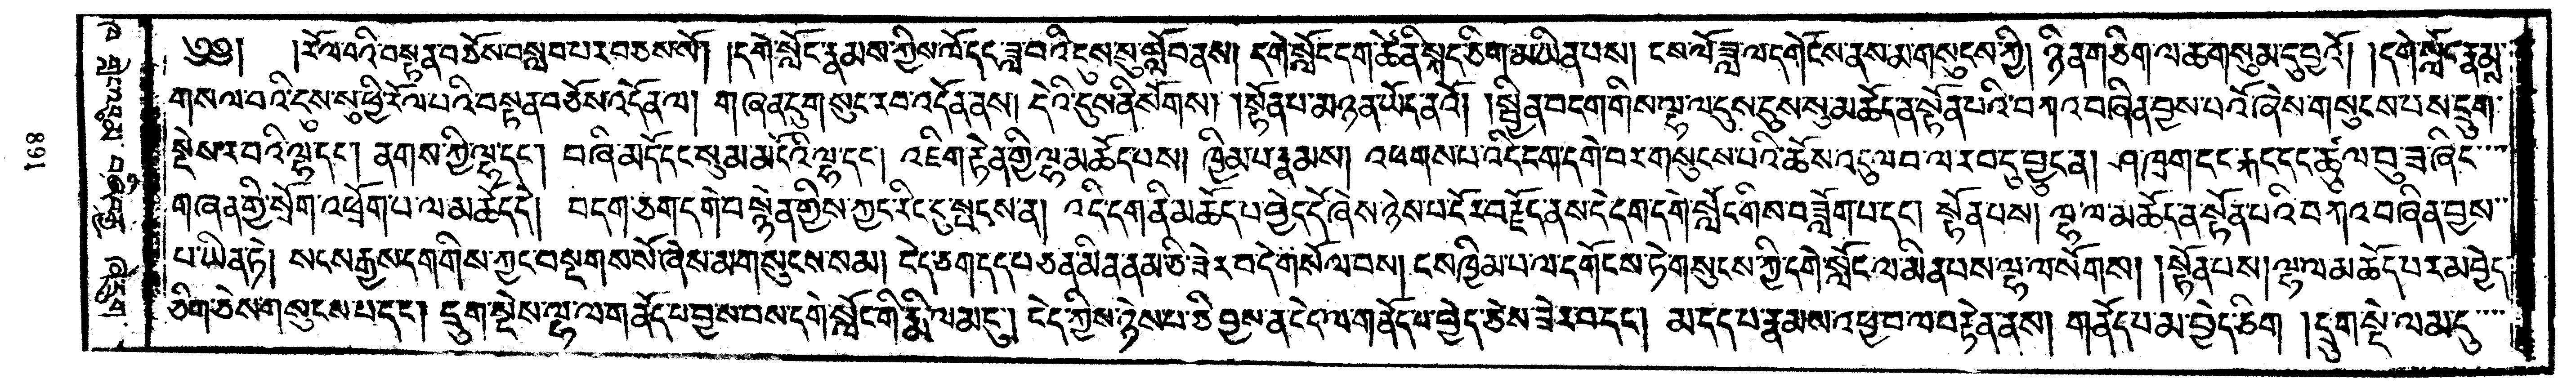༄༅། །རོལ་བའི་བསྟན་བཅོས་བསླབ་པར་བཅས་སོ། །དགེ་སློང་རྣམས་ཀྱིས་ལོ་དང་ཟླ་བའི་དུས་སུ་གློབ་ནས། དགེ་སློང་དག་ཚེ་ནི་སྐད་ཅིག་མ་ཡིན་པས། ངས་ལོ་ཟླ་ལ་དགོངས་ནས་མ་གསུངས་ཀྱི། ཉིན་གཅིག་ལ་ཆ་གསུམ་དུ་བྱའོ། །དགེ་སློང་རྣམས་
གསལ་བའི་དུས་སུ་ཕྱི་རོལ་པའི་བསྟན་བཅོས་འདོན་ལ། གཞན་དུ་གསུང་རབ་འདོན་ནས། དེའི་དུས་ནི་སོགས། །སྟོན་པ་མཉན་ཡོད་ནའོ། །སྦྱིན་བདག་གིས་ལྷ་ལ་དུས་དུས་སུ་མཆོད་ན་སྟོན་པའི་བཀའ་བཞིན་བྱས་པའོ་ཞེས་གསུངས་པས་དྲུག་
སྡེས་ར་བའི་ལྷ་དང་། ནགས་ཀྱི་ལྷ་དང་། བཞི་མདོ་དང་སུམ་མདོའི་ལྷ་དང་། འཇིག་རྟེན་གྱི་ལྷ་མཆོད་པས། ཁྱིམ་པ་རྣམས། འཕགས་པ་འདི་ངག་དགེ་བར་གསུངས་པའི་ཆོས་འདུལ་བ་ལ་རབ་དུ་བྱུང་ན། ཤ་ཁྲག་དང་རྐང་དང་ཚུལ་བུ་ཟ་ཞིང་
གཞན་གྱི་སྲོག་འཕྲོག་པ་ལ་མཆོད་དེ། བདག་ཅག་དགེ་བསྙེན་གྱིས་ཀྱང་རིང་དུ་སྤངས་ན། འདི་དག་ནི་མཆོད་པ་བྱེད་དོ་ཞེས་ཉེས་པ་དོར་བརྗོད་ནས་དེ་དག་དགེ་སློང་གིས་བཟློག་པ་དང་། སྟོན་པས། ལྷ་ལ་མཆོད་ན་སྟོན་པའི་བཀའ་བཞིན་བྱས་
པ་ཡིན་ཏེ། སངས་རྒྱས་དག་གིས་ཀྱང་བསྔགས་སོ་ཞེས་མ་གསུངས་སམ། ངེད་ཅག་དད་པ་ཅན་མིན་ནམ་ཅི་ཟེར་བ་དེ་གསོལ་བས། ངས་ཁྱིམ་པ་ལ་དགོངས་ཏེ་གསུངས་ཀྱི་དགེ་སློང་ལ་མིན་པས་ལྷ་ལ་སོགས། །སྟོན་པས། ལྷ་ལ་མཆོད་པར་མ་བྱེད་
ཅིག་ཅེས་གསུངས་པ་དང་། དྲུག་སྡེས་ལྷ་ལ་གནོད་པ་བྱས་པས་དགེ་སློང་གི་རྨི་ལམ་དུ། ངེད་ཀྱིས་ཉེས་པ་ཅི་བྱས་ན་ངེད་ལ་གནོད་པ་བྱེད་ཅེས་ཟེར་བ་དང་། མ་དད་པ་རྣམས་འཕྱ་བ་ལ་བརྟེན་ནས། གནོད་པ་མ་བྱེད་ཅིག །དྲུག་སྡེ་ལམ་དུ་